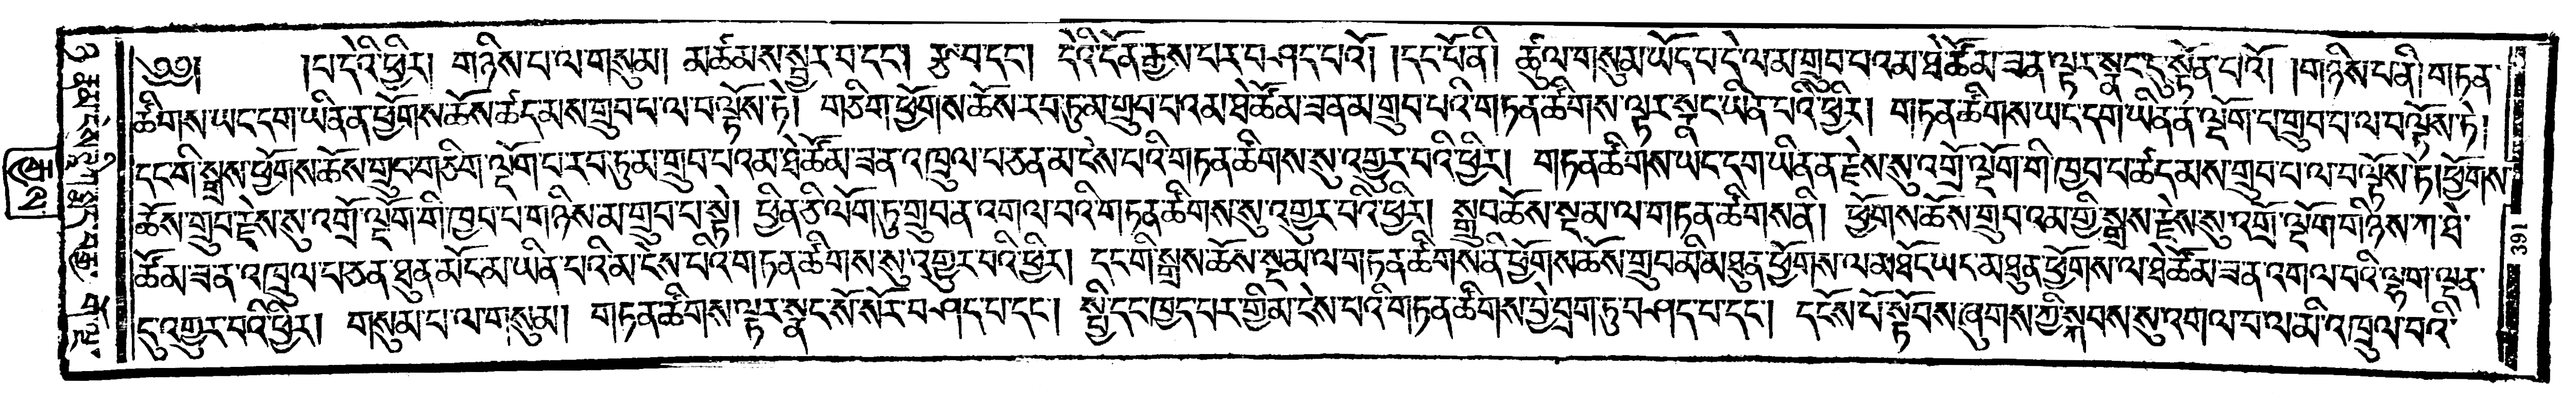༄༅། །པ་དེའི་ཕྱིར། གཉིས་པ་ལ་གསུམ། མཚམས་སྦྱར་བ་དང་། རྩ་བ་དང་། དེའི་དོན་རྒྱས་པར་བཤད་པའོ། །དང་པོ་ནི། ཚུལ་གསུམ་ཡོད་པ་དེ་ལ་མ་གྲུབ་པའམ་ཐེ་ཚོམ་ཟ་ན་ལྟར་སྣང་དུ་སྟོན་པའོ། །གཉིས་པ་ནི། གཏན་
ཚིགས་ཡང་དག་ཡིན་ན་ཕྱོགས་ཆོས་ཚད་མས་གྲུབ་པ་ལ་བལྟོས་ཏེ། གཅིག་ཕྱོགས་ཆོས་རབ་ཏུ་མ་གྲུབ་པའམ་ཐེ་ཚོམ་ཟ་ན་མ་གྲུབ་པའི་གཏན་ཚིགས་ལྟར་སྣང་ཡིན་པའི་ཕྱིར། གཏན་ཚིགས་ཡང་དག་ཡིན་ན་ལྡོག་པ་གྲུབ་པ་ལ་བལྟོས་ཏེ།
དང་གི་སྒྲས་ཕྱོགས་ཆོས་གྲུབ་གཅིག་ལྡོག་པ་རབ་ཏུ་མ་གྲུབ་པའམ་ཐེ་ཚོམ་ཟ་ན་འཁྲུལ་པ་ཅན་མ་ངེས་པའི་གཏན་ཚིགས་སུ་འགྱུར་བའི་ཕྱིར། གཏན་ཚིགས་ཡང་དག་ཡིན་ན་རྗེས་སུ་འགྲོ་ལྡོག་གི་ཁྱབ་པ་ཚད་མས་གྲུབ་པ་ལ་བལྟོས་ཏེ། ཕྱོགས་
ཆོས་གྲུབ་རྗེས་སུ་འགྲོ་ལྡོག་གི་ཁྱབ་པ་གཉིས་མ་གྲུབ་པ་སྟེ། ཕྱིན་ཅི་ལོག་ཏུ་གྲུབ་ན་འགལ་བའི་གཏན་ཚིགས་སུ་འགྱུར་བའི་ཕྱིར། སྒྲུབ་ཆོས་སྔ་མ་ལ་གཏན་ཚིགས་ནི། ཕྱོགས་ཆོས་གྲུབ་འམ་གྱི་སྒྲས་རྗེས་སུ་འགྲོ་ལྡོག་གཉིས་ཀ་ཐེ་
ཚོམ་ཟ་ན་འཁྲུལ་པ་ཅན་ཐུན་མོང་མ་ཡིན་པའི་མ་ངེས་པའི་གཏན་ཚིགས་སུ་འགྱུར་བའི་ཕྱིར། དང་གི་སྒྲས་ཆོས་སྔ་མ་ལ་གཏན་ཚིགས་ནི་ཕྱོགས་ཆོས་གྲུབ་མི་མཐུན་ཕྱོགས་ལ་མཐོང་ཡང་མཐུན་ཕྱོགས་ལ་ཐེ་ཚོམ་ཟ་ན་འགལ་བའི་ལྷག་ལྡན་
དུ་འགྱུར་བའི་ཕྱིར། གསུམ་པ་ལ་གསུམ། གཏན་ཚིགས་ལྟར་སྣང་སོ་སོར་བཤད་པ་དང་། སྤྱི་དང་ཁྱད་པར་གྱི་མ་ངེས་པའི་གཏན་ཚིགས་བྱེ་བྲག་ཏུ་བཤད་པ་དང་། དངོས་པོ་སྟོབས་ཞུགས་ཀྱི་སྐབས་སུ་འགལ་བ་ལ་མི་འཁྲུལ་བའི་